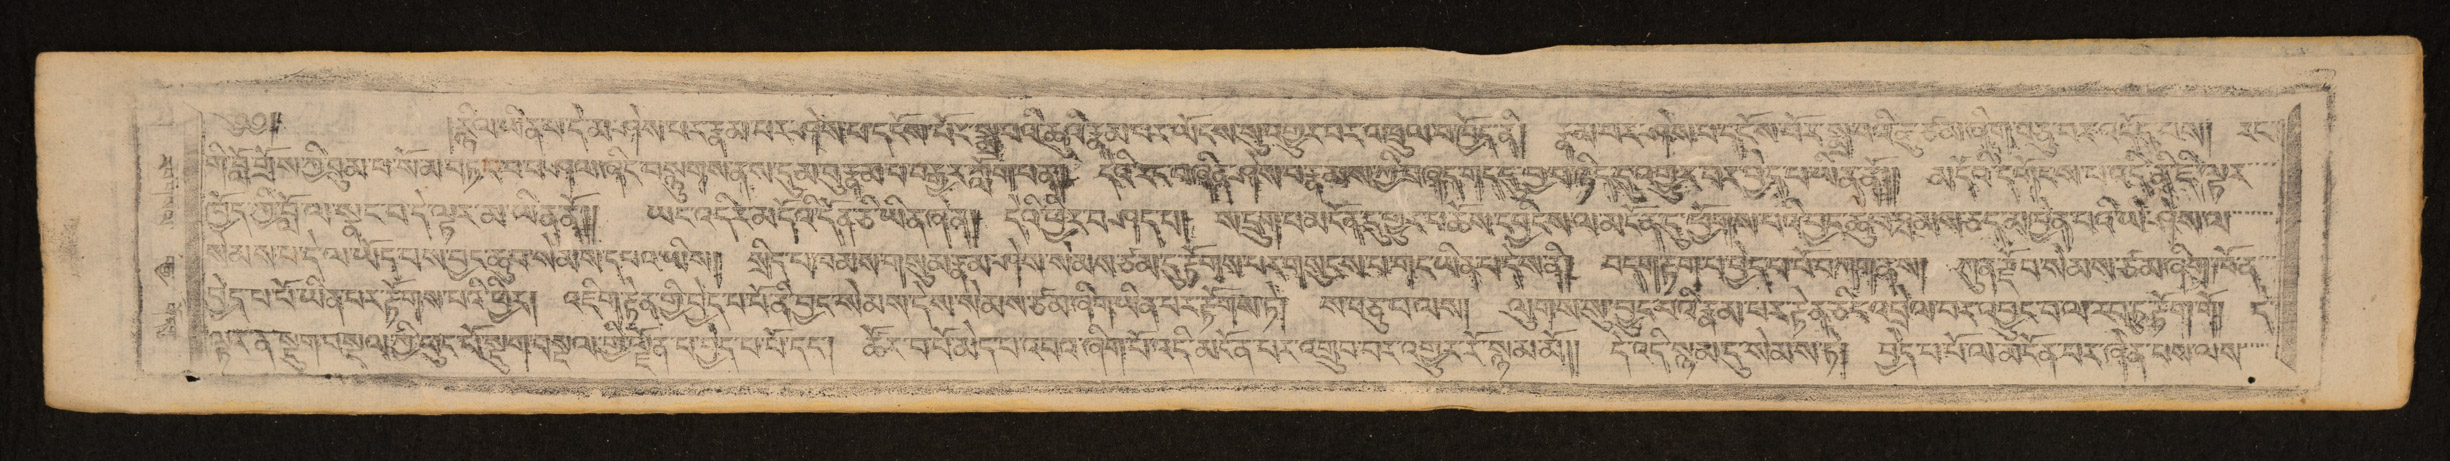༄༅། །རྙིལ་ཡིན་པ་དེ་མ་ཤེས་པར་རྣམ་པར་ཤེས་པ་དངོས་པོར་སྨྲ་བའི་ཆུའི་རྣམ་པར་ཡོངས་སུ་འགྱུར་བར་འཁྲུལ་བ་ཁྱོད་ནི། རྣམ་པར་ཤེས་པ་དངོས་པོར་སྨྲ་བའི་ཆུ་ཙམ་ཞིག་བཅུ་བར་འདོད་པས། རང་
གི་བློ་གྲོས་ཀྱི་བུམ་པ་སོ་མ་བཏང་བ་བཤལ་ཞིང་བསྡུགས་ནས་དུམ་བུ་རྣམ་པ་བརྒྱར་ཀློག་པ་ན། དེའི་རང་བཞིན་ཤེས་པ་རྣམས་ཀྱི་བཞད་གད་དུ་བྱ་བ་ཉིད་དུ་འགྱུར་བར་བྱེད་པ་ཡིན་ནོ།། མདོའི་དགོངས་པ་འདི་ནི་ཇི་ལྟར་
ཁྱོད་ཀྱི་བློ་ལ་སྣང་བ་དེ་ལྟར་མ་ཡིན་ནོ།། ཡང་འདིར་མདོའི་དོན་ཅི་ཡིན་ཞེ་ན། དེའི་ཕྱིར་བཤད་པ། ས་དྲུག་པ་མངོན་དུ་གྱུར་པ་ཆོས་དབྱིངས་ལ་མངོན་དུ་ཕྱོགས་པའི་བྱང་ཆུབ་ཐམས་ཅད་མཁྱེན་པའི་ཡེ་ཤེས་ལ་
སེམས་པ་དེ་ལ་ཡོད་པས་བྱང་ཆུབ་སེམས་དཔའ་ཡིས། སྲིད་པ་ཁམས་གསུམ་རྣམ་ཤེས་སེམས་ཙམ་དུ་རྟོགས་པར་གསུངས་པ་གང་ཡིན་པ་དེས་ནི། བདག་རྟག་པ་བྱེད་པ་པོ་བཀག་ནས། ཀུན་རྫོབ་སེམས་ཙམ་ཞིག་ཁོ་ན་
བྱེད་པ་པོ་ཡིན་པར་རྟོགས་པའི་ཕྱིར། འཇིག་རྟེན་གྱི་བྱེད་པ་པོ་ནི་བྱང་སེམས་དེས་སེམས་ཙམ་ཞིག་ཡིན་པར་རྟོགས་ཏེ། ས་བཅུ་པ་ལས། ལུགས་སུ་བྱུང་བའི་རྣམ་པར་རྟེན་ཅིང་འབྲེལ་བར་འབྱུང་བ་ལ་རབ་ཏུ་རྟོག་གོ། དེ་
ལྟར་ན་སྡུག་བསྔལ་གྱི་ཕུང་པོ་སྡུག་བསྔལ་གྱི་ལྗོན་པ་བྱེད་པ་པོ་དང་། ཚོར་བ་པོ་མེད་པ་འབའ་ཞིག་པོ་འདི་མངོན་པར་འགྲུབ་པར་འགྱུར་རོ་སྙམ་མོ།། དེ་འདི་སྙམ་དུ་སེམས་ཏེ། བྱེད་པ་པོ་ལ་མངོན་པར་ཞེན་པས་ལས་